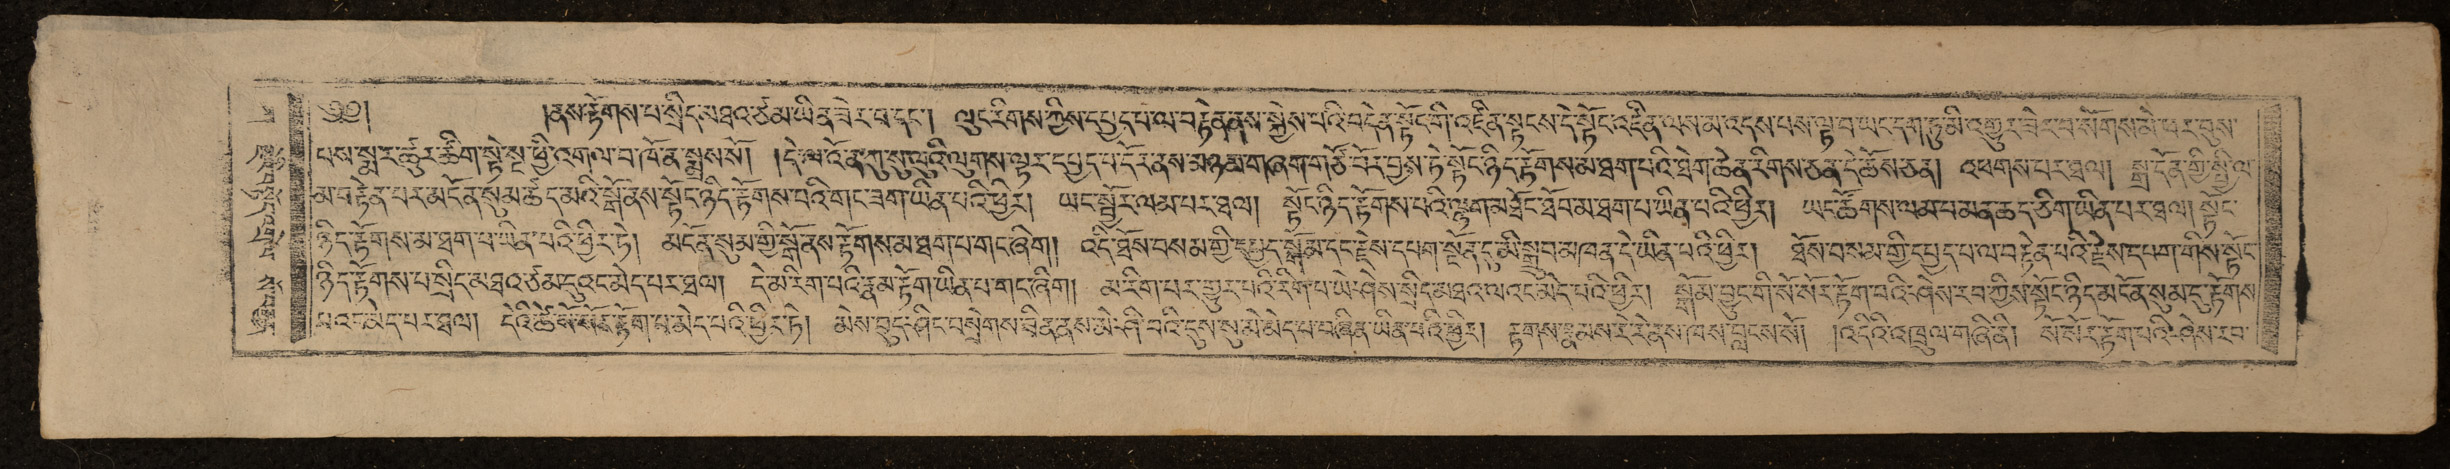༄༅། །ནས་རྟོགས་པ་སྲིད་མཐའ་ཙམ་ཡིན་ཟེར་བ་དང་། ལུང་རིགས་ཀྱིས་དཔྱད་པ་ལ་བརྟེན་ནས་སྐྱེས་བའི་བདེན་སྟོང་གི་འཛིན་སྟངས་དེ་སྟོང་འཛིན་ལས་མ་འདས་བས་ལྟ་བ་ཡང་དག་ཏུ་མི་འགྱུར་ཟེར་བ་སོགས་མེ་ཕར་ཁུཨིས་
པས་སྨར་ཚུར་ཚིག་སྟེ་སྔ་ཕྱི་འགལ་བ་ཁོ་ན་སྨྲས་སོ། །དེ་ལ་འོ་ན་ཀུ་སུ་ལུའི་ལུགས་ལྟར་དཔྱད་བདོར་ནས་མཉམ་གཞག་གཙོ་བོར་བྱས་ཏེ་སྟོང་ཉིད་རྟོགས་མ་ཐག་པའི་ཐེག་ཆེན་རིགས་ཅན་དེ་ཆོས་ཅན། འཕགས་པར་ཐལ། སྒྲ་དོན་གྱི་སྤྱི་ལ་
མ་བརྟེན་པར་མངོན་སུམ་ཚད་མའི་སྒོ་ནས་སྟོང་ཉིད་རྟོགས་པའི་གང་ཟག་ཡིན་པའི་ཕྱིར། ཡང་སྦྱོར་ཡམ་པར་ཐལ། སྟོང་ཉིད་རྟོགས་པའི་ལྷག་མཐོང་ཐོབ་མ་ཐག་པ་ཡིན་པའི་ཕྱིར། ཡང་ཚོགས་ལམ་བ་མན་ཆད་ཅིག་ཡིན་པར་ཐལ། སྟོང་
ཉིད་རྟོགས་མ་ཐག་པ་ཡིན་པའི་ཕྱིར་ཏེ། མངོན་སུམ་གྱི་སྒོ་ནས་རྟོགས་མ་ཐག་པ་གང་ཞིག། འདི་ཐོས་བསམ་གྱི་དཔྱད་སྒོམ་དང་རྗེས་དཔག་སྔོན་དུ་མི་སྒྲུབ་མཁན་དེ་ཡིན་པའི་ཕྱིར། ཐོས་བསམ་གྱི་དཔྱད་པ་ལ་བརྟེན་པའི་རྗེས་དཔག་གིས་སྟོང་
ཉིད་རྟོགས་པ་སྲིད་མཐའ་ཙམ་དུའང་མེད་པར་ཐལ། དེ་མ་རིག་པའི་རྣམ་རྟོག་ཡིན་པ་གང་ཞིག། མ་རིག་པར་གྱུར་པའི་རིག་པ་ཡེ་ཤེས་སྲིད་མཐའ་ལའང་མེད་པའི་ཕྱིར། སྒོམ་བྱུང་གི་སོ་སོར་རྟོག་པའི་ཤེས་རབ་ཀྱིས་སྟོང་ཉིད་མངོན་སུམ་དུ་རྟོགས་
པའང་མེད་པར་ཐལ། དེའི་ཚེ་སོ་སོར་རྟོག་པ་མེད་པའི་ཕྱིར་ཏེ། མེས་བུད་ཤིང་བསྲེགས་ཟིན་ནས་མེ་ཤི་བའི་དུས་སུ་མེ་མེད་པ་བཞིན་ཡིན་པའི་ཕྱིར། རྟགས་རྣམས་རེ་རེ་ནས་ཁས་བླངས་སོ། །འདིའི་འཁྲུལ་གཞི་ནི། སོ་སོར་རྟོག་བའི་ཤེས་རབ་